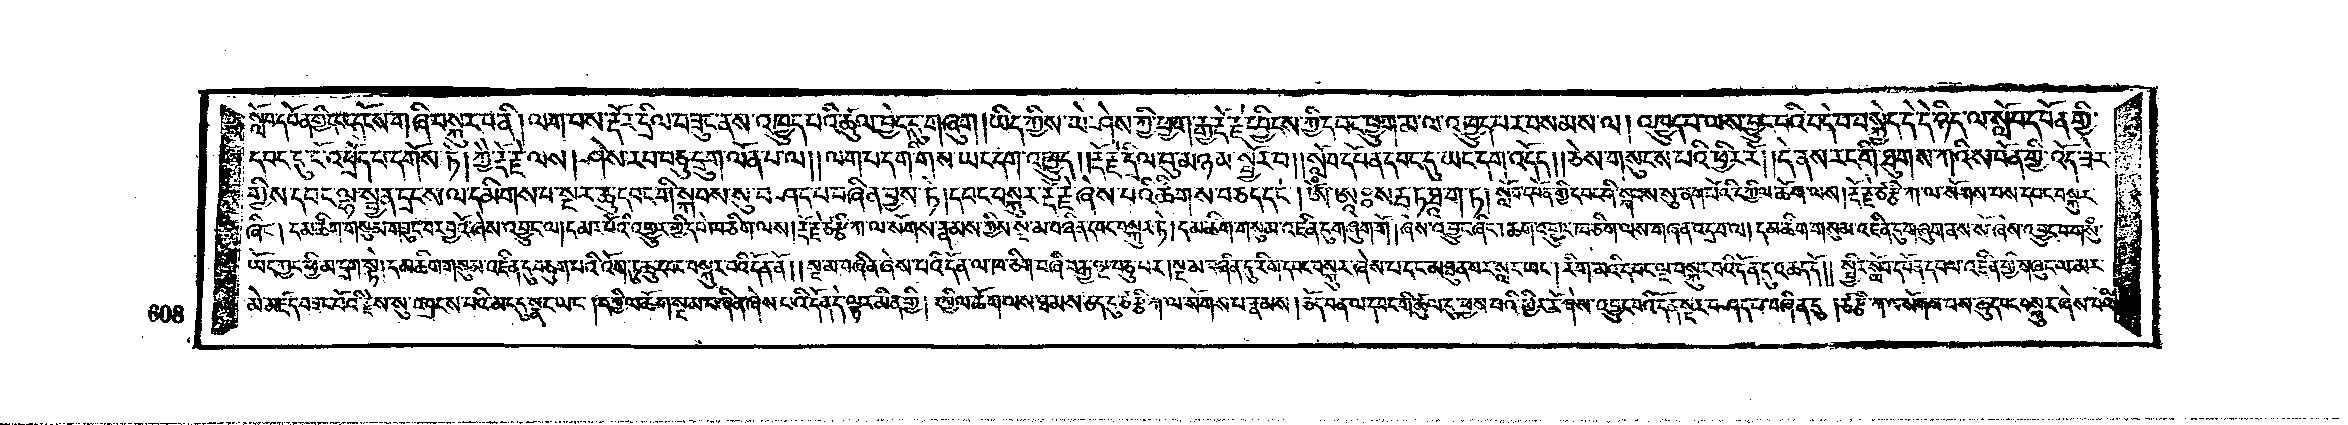སློབ་དཔོན་གྱི་དབང་དངོས་གཞི་བསྐུར་བ་ནི། ལག་པས་རྡོར་དྲིལ་བཟུང་ནས་འཁྱུད་པའི་ཚུལ་བྱེད་དུ་གཞུག །ཡིད་ཀྱིས་ཡེ་ཤེས་ཀྱི་ཕྱག་རྒྱ་རྡོ་རྗེ་དབྱིངས་ཀྱི་དབང་ཕྱུག་མ་ལ་འཁྱུད་པར་བསམས་ལ། འཁྱུད་པ་ལས་བྱུང་བའི་བདེ་བ་བསྐྱེད་དེ་དེ་ཉིད་ལ་སློབ་དཔོན་གྱི་
དབང་དུ་ངོ་འཕྲོད་པ་དགོས་ཏེ། ཀྱཻ་རྡོ་རྗེ་ལས། ཤེས་རབ་བཅུ་དྲུག་ལོན་པ་ལ། །ལག་པ་དག་གིས་ཡང་དག་འཁྱུད། །རྡོ་རྗེ་དྲིལ་བུ་མཉམ་སྦྱོར་བ། །སློབ་དཔོན་དབང་དུ་ཡང་དག་འདོད། །ཅེས་གསུངས་པའི་ཕྱིར་རོ། །དེ་ནས་རང་གི་ཐུགས་ཀའི་ས་བོན་གྱི་འོད་ཟེར་
གྱིས་དབང་ལྷ་སྤྱན་དྲངས་ལ་དམིགས་པ་སྔར་ཆུ་དབང་གི་སྐབས་སུ་བཤད་པ་བཞིན་བྱས་ཏེ། དབང་བསྐུར་རྡོ་རྗེ་ཞེས་པའི་ཚིགས་བཅད་དང་། ཨོཾ་ཨཱཿ སརྦ་ཏ་ཐཱ་ག་ཏ། སློབ་དཔོན་གྱི་དབང་གི་སྐབས་སུ་ནག་པོའི་དཀྱིལ་ཆོག་ལས། རྡོ་རྗེ་ཙ་རྩི་ཀ་ལ་སོགས་པས་དབང་བསྐུར་
ཞིང་། དམ་ཚིག་གསུམ་གཟུང་བར་བྱའོ་ཞེས་འབྱུང་ལ། དམར་པོའི་འགྱུར་གྱི་དཔེ་ཁ་ཅིག་ལས། རྡོ་རྗེ་ཙ་རྩི་ཀ་ལ་སོགས་རྣམས་ཀྱིས་སྔ་མ་བཞིན་དབང་བསྐུར་ཏེ། དམ་ཚིག་གསུམ་འཛིན་དུ་གཞུག་གོ །ཞེས་འབྱུང་ཞིང་། ཆག་འགྱུར་ཁ་ཅིག་ལས་གཞན་འདྲ་བ་ལ། དམ་ཚིག་གསུམ་འཛིན་དུ་གཞུག་ནས་སོ་ཞེས་འབྱུང་བ་གསུཾ་
ཡོད་ཀྱང་ཕྱི་མ་དྲག་སྟེ། དམ་ཚིག་གསུམ་འཛིན་དུ་བཅུག་པའི་འོག་ཏུ་ཆུ་དབང་བསྐུར་བའི་དོན་ནོ། །སྔ་མ་བཞིན་ཞེས་པའི་དོན་ལ་ཁ་ཅིག་བཞི་བརྒྱ་ལྔ་བཅུ་པར། སྔ་མ་བཞིན་དུ་རིག་དབང་བསྐུར་ཞེས་པ་དང་མཐུན་པར་སླར་ཡང་། རིག་མའི་དབང་ལྔ་བསྐུར་བའི་དོན་དུ་འཆད་དོ། །སྤྱིར་སློབ་དཔོན་དཔལ་འཛིན་གྱི་གཞུང་ལ་མར་
མེ་མཛད་བཟང་པོའི་རྗེས་སུ་འབྲངས་པའི་མང་དུ་སྣང་ཡང་། དཀྱིལ་ཆོག་སྔ་མ་བཞིན་ཞེས་པའི་དོན་དེ་ལྟར་མིན་གྱི། དཀྱིལ་ཆོག་ལས་ཐམས་ཅད་དུ་ཙ་རྩི་ཀ་ལ་སོགས་པ་རྣམས། ཅོད་པན་ལ་དབང་གི་ཚུལ་དུ་བྱས་པའི་ཕྱིར་རོ་ཞེས་འབྱུང་བའི་དོན་སྔར་བཤད་པ་བཞིན་དུ། ཙ་རྩི་ཀ་ལ་སོགས་པས་ཆུ་དབང་བསྐུར་ཞེས་པའི་